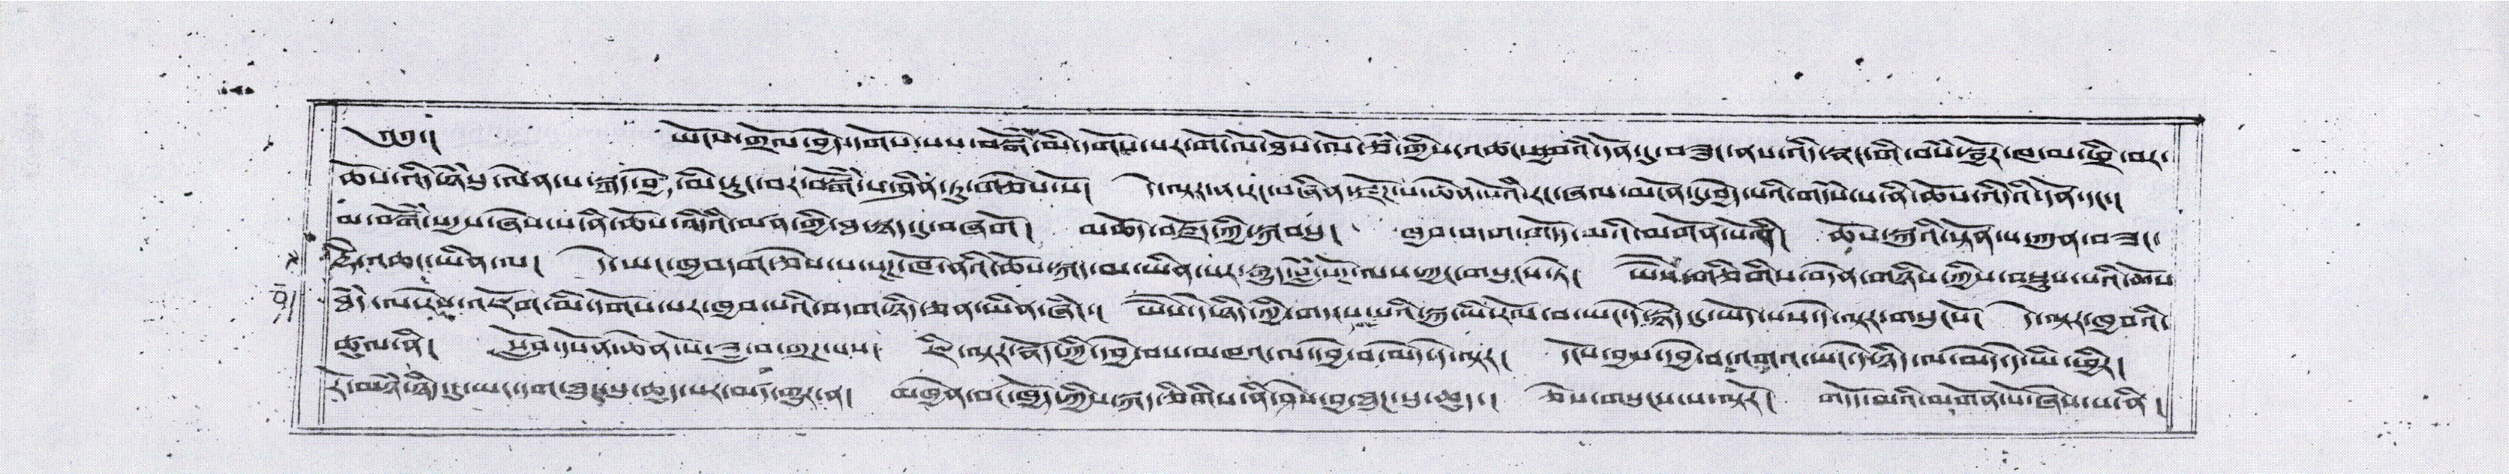ཡོངས་གྲོལ་བྱེད་དགོས་པས་བསྒོམ་མི་དགོས་པར་གོ་ལོ་ཐོས་ལོ་ཙམ་གྱིས་འཚངས་རྒྱ་བའི་དོན་དུ་བཟུང་ནས་འདི་སྣང་གི་བསམ་སྦྱོར་ཁ་མ་ཕྲི་བར་
ཆོས་འདི་ཉམས་སུ་ལེན་པ་སྐད་བྱེད་མི་རུང་བར་བསྒོམ་པ་ཤིན་ཏུ་གཅེས་སོ། དེ་ལྟར་ན་རང་བཞིན་རྫོགས་པ་ཆེན་པོའི་རང་ཞལ་མངོན་དུ་བྱེད་པའི་གདམས་པ་ནི་ཆོས་འདིའི་དོན་དང། 
མ་བསྒོམ་སངས་རྒྱས་ཞེས་པ་ནི་ཆོས་འདིའི་མཚན་གྱི་ཐ་སྙད་དུ་བཞག་གོ། མཆོད་བརྗོད་ཀྱི་སྐབས་སུ། ཁྱབ་བདག་གདོད་མའི་མགོན་པོ་ནི། ཆོས་སྐུའི་སྟོན་པ་ཀུན་བཟང་
རྡོ་རྗེ་འཆང་ཡིན་ལ། དེ་ཡང་ཁྱབ་བདག་ཅེས་པ་སྔགས་ཁོ་ནའི་ཆོས་སྐད་མ་ཡིན་པར་རྒྱུད་བླ་མ་སོགས་ལས་ཀྱང་གསུངས་ཏེ། ཡེ་ཤེས་གཅིག་གིས་བདེན་གཉིས་ཀྱིས་བསྡུས་པའི་ཆོས་
ཐམས་ཅད་ལ་རེས་འཇོག་མི་དགོས་པར་ཁྱབ་པའི་བདག་ཉིད་ཅན་ཡིན་ཞིང། ཡེ་ཤེས་དེ་ཉིད་ཀྱི་གདངས་པའི་སྐུ་ཡི་རོལ་བ་ཡང་དེ་སྙེད་དུ་ཡོད་པས་དེ་ལྟར་གསུངས་སོ། དེ་ལྟར་ཁྱབ་པའི་
ཚུལ་ནི། སློབ་དཔོན་ཆེན་པོ་ཟླ་བ་གྲགས་པས། ཇི་ལྟར་སྣོད་ཀྱི་དབྱེ་བས་མཁའ་ལ་དབྱེ་བ་མེད་དེ་ལྟར། དངོས་བྱས་དབྱེ་བ་འགའ་ཡང་དེ་ཉིད་ལ་མེད་དེ་ཡི་ཕྱིར། 
རོ་མཉམ་ཉིད་དུ་ཡང་དག་ཐུགས་སུ་ཆུད་པར་མཛད་གྱུར་ན། མཁྱེན་བང་ཁྱེད་ཀྱིས་སྐད་ཅིག་གིས་ནི་ཤེས་བྱ་ཐུགས་སུ་ཆུད། ཅེས་གསུངས་པ་ལྟར་རོ། གདོད་མའི་མགོན་པོ་ཞེས་པ་ནི།